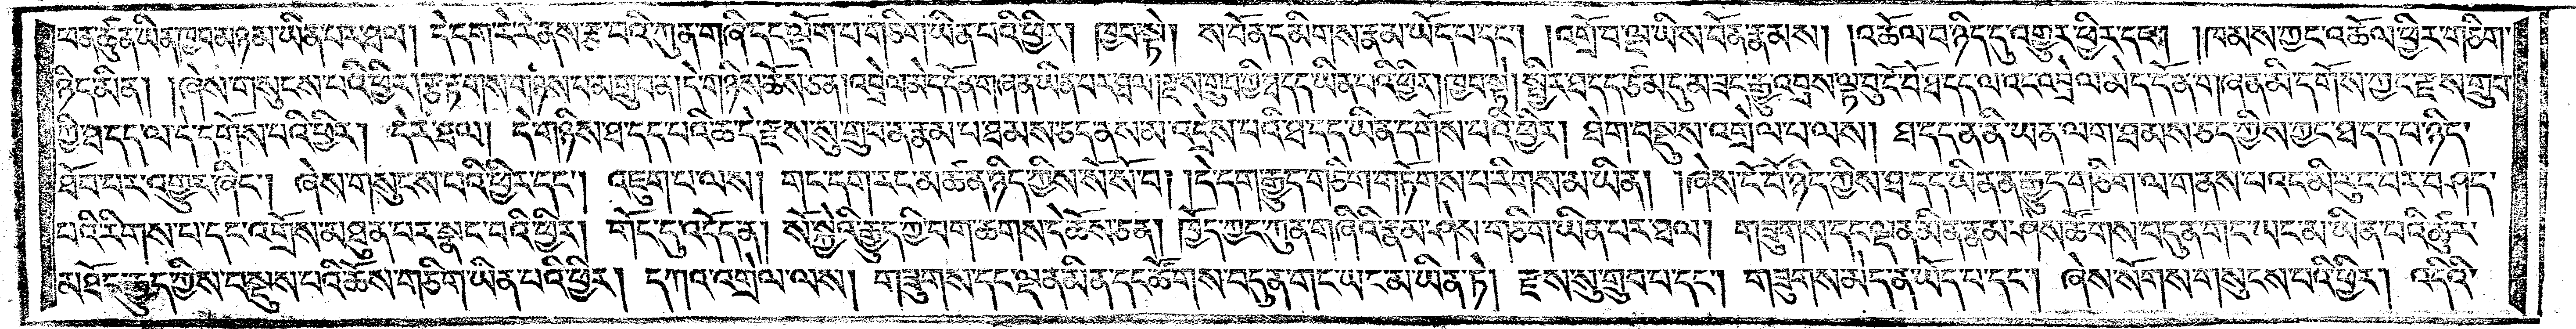ཕན་ཚུན་ཡིན་ཀྱང་མཉམ་ཡིན་པར་ཐལ། དེ་དག་རེ་རེ་ནས་རྩ་བའི་ཀུན་གཞི་དང་ལྡོག་པ་གཅིག་ཡིན་པའི་ཕྱིར། ཁྱབ་སྟེ། ས་བོན་དམིགས་རྣམ་ཡོད་པ་དང་། །འགྲོ་བ་ལྔ་ཡི་ས་བོན་རྣམས། །འཆོལ་བ་ཉིད་དུ་འགྱུར་ཕྱིར་དང་། །ཁམས་ཀྱང་འཆོལ་ཕྱིར་གཅིག་
ཉིད་མིན། །ཞེས་གསུངས་པའི་ཕྱིར། རྩ་རྟགས་གཉིས་པ་མ་གྲུབ་ན། དེ་གཉིས་ཆོས་ཅན། འབྲེལ་མེད་དོན་གཞན་ཡིན་པར་ཐལ། རྫས་གྲུབ་ཀྱི་ཐ་དད་ཡིན་པའི་ཕྱིར། ཁྱབ་སྟེ། སྤྱིར་ཐ་དད་ཙམ་དུ་མ་ཟད་རྒྱུ་འབྲས་ལྟ་བུ་ངོ་བོ་ཐ་དད་ལའང་འབྲེལ་མེད་དོན་གཞན་མི་དགོས་ཀྱང་རྗེས་གྲུབ་
ཀྱི་ཐ་དད་ལ་དེ་དགོས་པའི་ཕྱིར། དེར་ཐལ། དེ་གཉིས་ཐ་དད་པའི་ཆ་དེ་རྫས་སུ་གྲུབ་ན་རྣམ་པ་ཐམས་ཅད་ནས་མ་འདྲེས་པའི་ཐ་དད་ཡིན་དགོས་པའི་ཕྱིར། ཐེག་བསྡུས་འགྲེལ་པ་ལས། ཐ་དད་ན་ནི་ཡན་ལག་ཐམས་ཅད་གྱིས་ཀྱང་ཐ་དད་པ་ཉིད་
ཐོབ་པར་འགྱུར་ཞིང་། ཞེས་གསུངས་པའི་ཕྱིར་དང་། འཇུག་པ་ལས། གང་དག་རང་མཚན་ཉིད་ཀྱིས་སོ་སོ་བ། །དེ་དག་རྒྱུད་གཅིག་གཏོགས་པ་རིགས་མ་ཡིན། །ཞེས་ངོ་བོ་ཉིད་ཀྱིས་ཐ་དད་ཡིན་ན་རྒྱུད་གཅིག་ལ་གནས་པའང་མི་རུང་བར་བཤད་
པའི་རིགས་པ་དང་འགྲོས་མཐུན་པར་སྣང་བའི་ཕྱིར། གོང་དུ་འདོད་ན། སོ་སྐྱེའི་རྒྱུད་ཀྱི་བག་ཆགས་དེ་ཆོས་ཅན། ཁྱོད་ཀྱང་ཀུན་གཞིའི་རྣམ་ཤེས་གཅིག་ཡིན་པར་ཐལ། གཟུགས་དང་ལྡན་མིན་རྣམ་ཤེས་ཚོགས་བདུན་གང་ཡང་མ་ཡིན་པའི་ཚུར་
མཐོང་རྒྱུད་ཀྱིས་བསྡུས་པའི་ཆོས་གཅིག་ཡིན་པའི་ཕྱིར། དཀའ་འགྲེལ་ལས། གཟུགས་དང་ལྡན་མིན་དང་ཚོགས་བདུན་གང་ཡང་མ་ཡིན་ཏེ། རྫས་སུ་གྲུབ་བ་དང་། གཟུགས་མེད་ན་ཡོད་པ་དང་། ཞེས་སོགས་གསུངས་པའི་ཕྱིར། འདིའི་